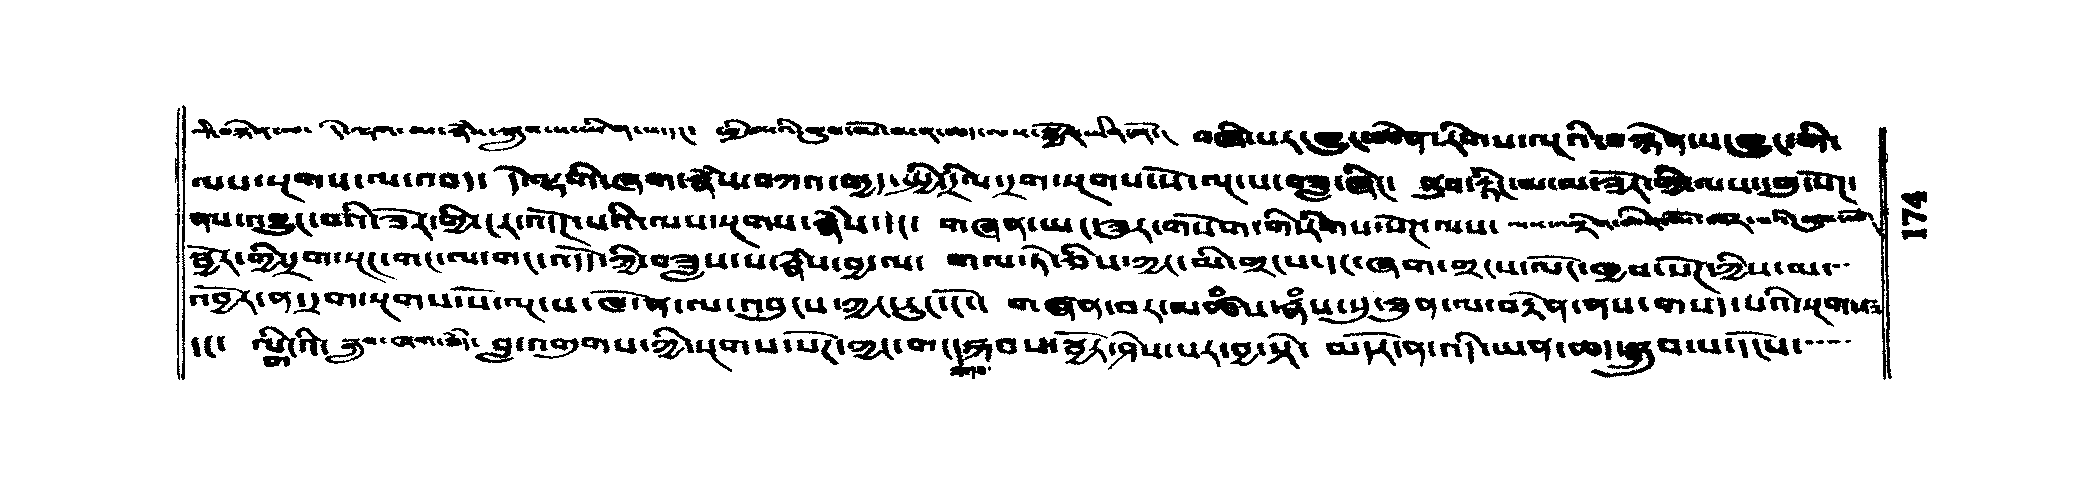འདི་བསྙེན་ལ།དེ་ལྷག་མ་རྣམས་སྒྲུབ་པ་ཡིན་པ་དང་། ཕྱི་མའི་ནུབ་མོ་མན་ཆད་ལས་སྦྱོར་ཡིན་ནོ། དེ་བཞིན་དུ་ནུབ་གཉིས་པ་ལ་གཙོ་བོ་ཆེ་མཆོག་ནུབ་གསུམ་པར་དཔལ་བརྒྱད་པོ་རྣམས་དང་། བཞི་པར་ཁྱུང་ཆེན་རིགས་ལྔའི་བསྙེན་པ་ཁྱུང་གི་
ལས་སྔགས་ལ་འབད། དེ་ལྷག་ཞག་རྣམས་བཀའ་བརྒྱད་སྤྱི་དྲིལ་དྲག་སྔགས་སོ་ལྔ་པ་བཟླ་ཞིང་། ནུབ་རྟིང་ལ་ལས་འགྲིག་ཆེན་མོ་ཚར་བའི་ནུབ་མོ། མ་ཟོར་གྱི་ལས་དགུ་སོགས
་ནས་འབྱུང་བའི་ཟོར་གྱི་ངར་འདོགས་པའི་ལས་སྔགས་རྣམས་དང་། གཞན་ཡང་ཟུར་གསོག་གི་རིགས་སོགས་ལས་་་་་
སྦྱོར་གྱི་དྲག་སྔགས་གང་ལ་གང་འདོད་ཀྱི་བཟླས་པ་རྣམས་བྱ་ལ། གལ་ཏེ་ཅིས་ཀྱང་མི་གྲངས་དང་ཞག་གྲངས་ལོང་ཁྱབ་སོགས་ཀྱིས་མ་
འབྱོར་ན་དྲག་སྒྲུབ་ཞག་ཐམསཅད་སྔགས་སོ་ལྔ་པ་ཁོ་ན་ལ་འབུངས་ཀྱང་རུང་ངོ་། གཞན་བར་མཚམས་རྣམས་སུ་ཐུན་ལ་བརྟེན་ནས་གསད་པའི་སྔགས་
དང་། ལིངྒ་བླ་འགུགས་ཀྱི་སྔགས་སོགས་ཀྱང་གང་འགབ་སྐབས་སྦྱོར་ཤེས་པར་བྱ་སྟེ། མདོར་ན་འདི་ཡན་ཆད་སྒྲུབ་པ་དངོས་